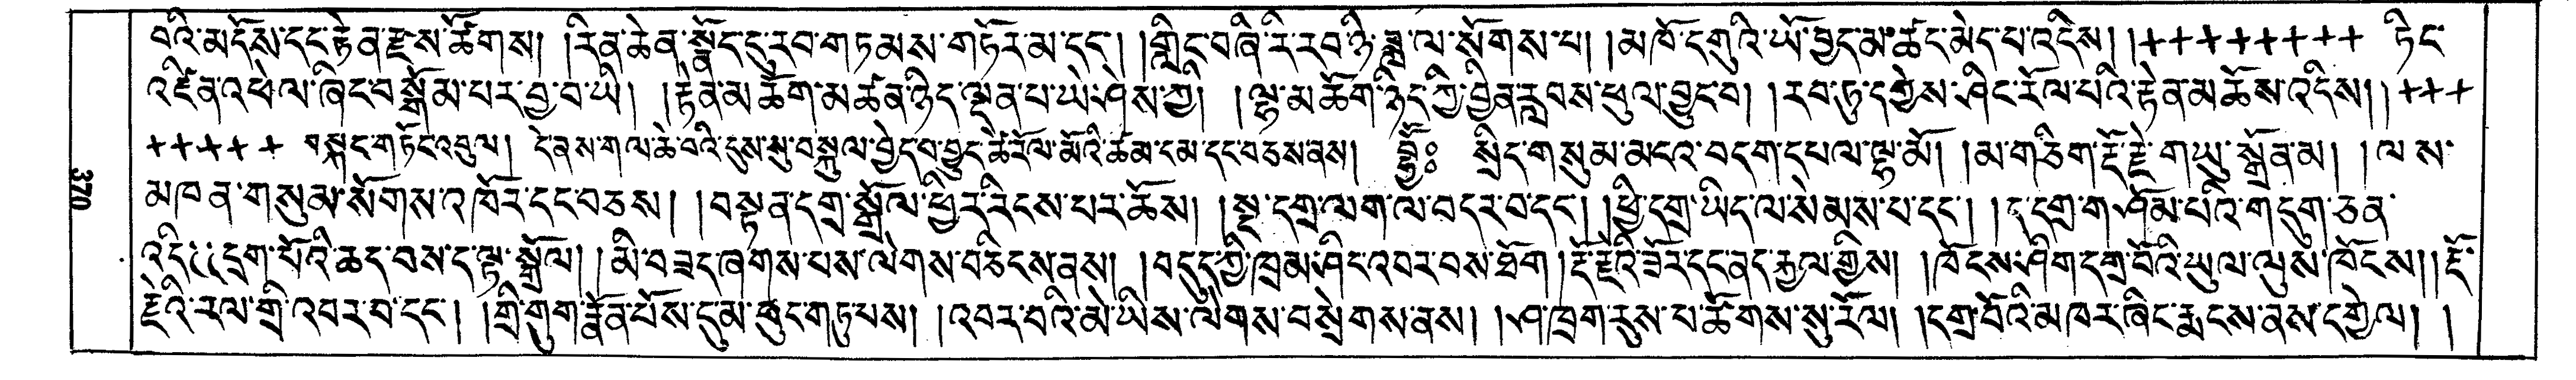བའི་མདོས་དང་རྟེན་རྫས་ཚོགས། །རིན་ཆེན་སྣོད་དུ་རབ་གཏམས་གཏོར་མ་དང་། །གླིང་བཞི་རི་རབ་ཉི་ཟླ་བ་ལ་སོགས་པ། །མཁོ་དགུའི་ཡོ་བྱད་མ་ཚང་མེད་པ་འདིས། །ཏིང་
འཛིན་འཕེལ་ཞིང་བསྒོམ་པར་བྱ་བ་ཡི། །རྟེན་མཆོག་མཚན་ཉིད་ལྡན་པ་ཡེ་ཤེས་ཀྱི། །ལྷ་མཆོག་ཉིད་ཀྱི་བྱིན་རླབས་ཕུལ་བྱུང་བ། །རབ་ཏུ་དགྱེས་ཤིང་རོལ་བའི་རྟེན་མཆོས་འདིས། །
བསྐང་གཏོར་འབུལ། དེ་ནས་གལ་ཆེ་བའི་དུས་སུ་བསྐུལ་བྱེད་པ་བྱུང་ཚེ་རོ་ལ་མོའི་ཚམ་ངམ་དང་བཅས་ནས། བྷྱཽཿ སྲིད་གསུམ་མངའ་བདག་དབལ་ལྷ་མོ། །མ་གཅིག་རྡོ་རྗེ་གཡུ་སྒྲོན་མ། །ལས་
མཁན་གསུམ་སོགས་འཁོར་དང་བཅས། །བསྟན་དགྲ་སྒྲོལ་ཕྱིར་རིངས་པར་ཆོས། །སྔ་དགྲ་ལག་ལ་བདར་བ་དང་། །ཕྱི་དགྲ་ཡིད་ལ་སེམས་བ་དང་། །ད་དགྲ་གཤོམ་པའི་གདུག་ཅན་
འདི༑ ༑དྲག་པོའི་ཆད་བས་ད་ལྟ་སྒྲོལ། །མི་བཟད་ཞགས་པས་ལེགས་བཅིངས་ནས། །བདུད་ཀྱི་ཁྲམ་ཤིང་འབར་བས་ཐོབ། །རྡོ་རྗེའི་ཟོར་དང་ནད་རྐྱལ་གྱིས། །ཁོངས་ཤིག་དགྲ་བོའི་ཡུལ་ལུས་ཁོངས། །རྡོ་
རྗེའི་རལ་གྲི་འབར་བ་དང་། །གྲི་གུག་རྣོན་པོས་དུམ་བུར་གཏུབས། །འབར་བའི་མེ་ཡིས་ལེགས་བསྲེགས་ནས། །ཤ་ཁྲག་རུས་པ་ཚོགས་སུ་རོལ། །དགྲ་བོའི་མཁར་ཞིང་རྨངས་ནས་དགྱེལ། །